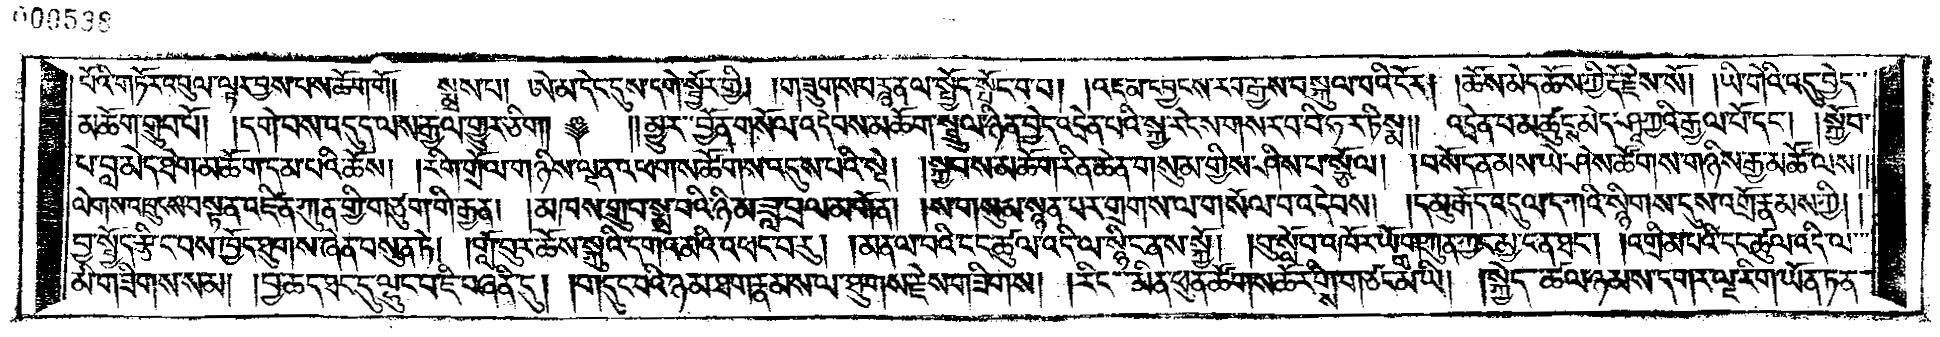པོའི་གཏོར་འབུལ་ལྟར་བྱས་པས་ཆོག་གོ །སྨྲས་པ། ཨེ་མ་དེང་དུས་དགེ་སྦྱོར་གྱི། །གཟུགས་བརྙན་ལ་སྤྱོད་སྤོང་བ་པ། །འཇམ་དབྱངས་རབ་རྒྱས་བསྐུལ་བའི་ངོར། །ཆོས་མེད་ཆོས་ཀྱི་རྡོ་རྗེས་སོ། །ཡི་གེའི་འདུ་བྱེད་
མཆོག་གྲུབ་པོ། །དགེ་བས་འདུད་ལས་རྒྱལ་གྱུར་ཅིག ། ༈ །།མྱུར་བྱོན་གསོལ་འདེབས་མཆོག་སྤྲུལ་ཉིན་བྱེད་འདྲེན་པའི་སྐྱ་རེངས་གསར་བ་བི་ཧ་ར་ཏིསྨ། །འདྲེན་པ་མཚུངས་མེད་ཤཱཀྱའི་རྒྱལ་པོ་དང་། །སྐྱོབ་
པ་བླ་མེད་ཐེག་མཆོག་དམ་པའི་ཆོས། །རིག་གྲོལ་གཉིས་ལྡན་འཕགས་ཚོགས་འདུས་པའི་སྡེ། །སྐྱབས་མཆོག་རིན་ཆེན་གསུམ་གྱིས་ཤིས་པ་སྩོལ། །བསོད་ནམས་ཡེ་ཤེས་ཚོགས་གཉིས་རྒྱ་མཚོ་ལས། །
ལེགས་འཁྲུངས་བསྟན་འཛིན་ཀུན་གྱི་གཙུག་གི་རྒྱན། །མཁས་གྲུབ་སྨྲ་བའི་ཉི་མ་ཟླ་བྲལ་མགོན། །ས་གསུམ་སྙན་པར་གྲགས་ལ་གསོལ་བ་འདེབས། །དམུ་རྒོད་འདུལ་དཀའི་སྙིགས་དུས་འགྲོ་རྣམས་ཀྱི། །
བྱ་སྤྱོད་རྩིང་བས་ཁྱོད་ཐུགས་ཞེན་བསུན་ཏེ། །གློ་བུར་ཆོས་སྐུའི་དགའ་མའི་འཕང་བ་རུ། །མནལ་བའི་ངང་ཚུལ་འདི་ལ་སྙིང་ནས་སྐྱོ། །བུ་སློབ་འཁོར་གཡོག་ཀུན་ཀྱང་མྱ་ངན་ཐང་། །འགྲིམ་པའི་ངང་ཚུལ་འདི་ལ་
མི་གཟིགས་སམ། །བྱ་ཆད་ཐང་དུ་ལྷུང་བ་ཇི་བཞིན་དུ། །གདུང་བའི་ཉམ་ཐག་རྣམས་ལ་ཐུགས་རྗེས་གཟིགས། །རིང་མིན་ཕུན་ཚོགས་ཆོ་རིགས་གཙང་མ་ཡི། །སྐྱེད་ཚལ་ཉམས་དགར་ལྔ་རིག་ཡོན་ཏན་